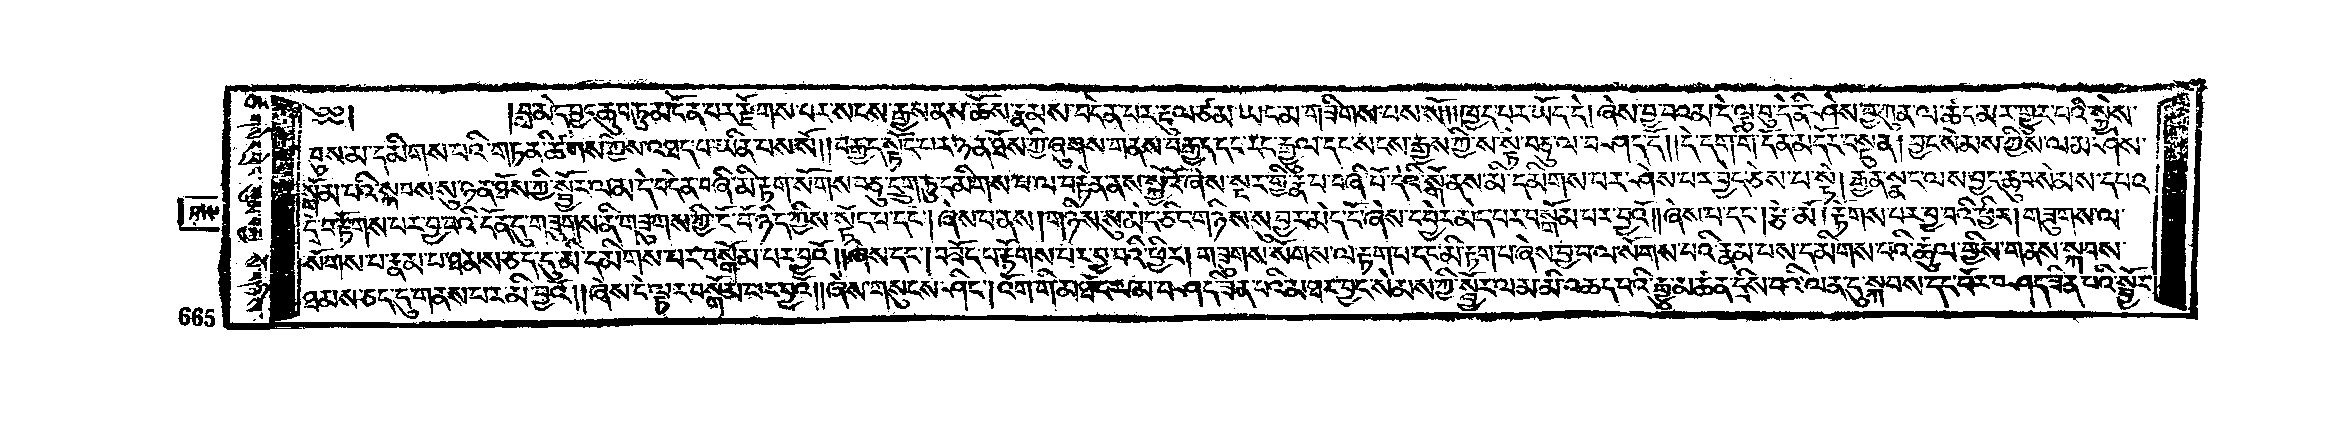༄༅། །བླ་མེད་བྱང་ཆུབ་ཏུ་མངོན་པར་རྫོགས་པར་སངས་རྒྱས་ནས་ཆོས་རྣམས་བདེན་པར་རྡུལ་ཙམ་ཡང་མ་གཟིགས་པས་སོ། །ཁྱད་པར་ཡོད་དེ། ཞེས་བྱ་བའམ་དེ་ལྟ་བུ་དེ་ནི་ཤེས་བྱ་ཀུན་ལ་ཚད་མར་གྱུར་པའི་སྐྱེས་
བུས་མ་དམིགས་པའི་གཏན་ཚིགས་ཀྱིས་འཐད་པ་ཡིན་པས་སོ། །བརྒྱད་སྟོང་པར་ཉན་ཐོས་ཀྱི་ཞུགས་གནས་བརྒྱད་དང་རང་རྒྱལ་དང་སངས་རྒྱས་ཀྱི་ས་སྟེ་བཅུ་ལ་བཤད་དོ། །དེ་དག་གི་དོན་མདོར་བསྡུ་ན། བྱང་སེམས་ཀྱིས་ལམ་ཤེས་
སྒོམ་པའི་སྐབས་སུ་ཉན་ཐོས་ཀྱི་སྦྱོར་ལམ་དེ་བདེན་བཞི་མི་རྟག་སོགས་བཅུ་དྲུག་ཏུ་དམིགས་པ་ལ་བརྟེན་ནས་སྐྱེའོ་ཞེས་སྔར་གྱི་རྣམ་པ་བཞི་པོ་དེའི་སྒོ་ནས་མི་དམིགས་པར་ཤེས་པར་བྱེད་ཅེས་པ་སྟེ། རྒྱན་སྣང་ལས་བྱང་ཆུབ་སེམས་དཔའ་
དྲོ་བ་རྟོགས་པར་བྱ་བའི་དོན་དུ་གཟུགས་ནི་གཟུགས་ཀྱི་ངོ་བོ་ཉིད་ཀྱིས་སྟོང་པ་དང་། ཞེས་པ་ནས། གཉིས་སུ་མེད་ཅིང་གཉིས་སུ་བྱར་མེད་དོ་ཞེས་དབྱེར་མེད་པར་བསྒོམ་པར་བྱའོ། །ཞེས་པ་དང་། རྩེ་མོ། རྟོགས་པར་བྱ་བའི་ཕྱིར། གཟུགས་ལ་
སོགས་པ་རྣམ་པ་ཐམས་ཅད་དུ་མི་དམིགས་པར་བསྒོམ་པར་བྱའོ། །ཞེས་དང་། བཟོད་པ་རྟོགས་པར་བྱ་བའི་ཕྱིར། གཟུགས་སོགས་ལ་རྟག་པ་དང་མི་རྟག་པ་ཞེས་བྱ་བ་ལ་སོགས་པའི་རྣམ་པས་དམིགས་པའི་ཚུལ་གྱིས་གནས་སྐབས་
ཐམས་ཅད་དུ་གནས་པར་མི་བྱའོ། །ཞེས་དེ་ལྟར་བསྒོམ་པར་བྱའོ། །ཞེས་གསུངས་ཤིང་། འོག་གི་མཐོང་ལམ་བཤད་ཟིན་པའི་མཐར་བྱང་སེམས་ཀྱི་སྦྱོར་ལམ་མི་འཆད་པའི་རྒྱུ་མཚན་དྲིས་པའི་ལན་དུ་སྐབས་དང་པོར་བཤད་ཟིན་པའི་སྦྱོར་